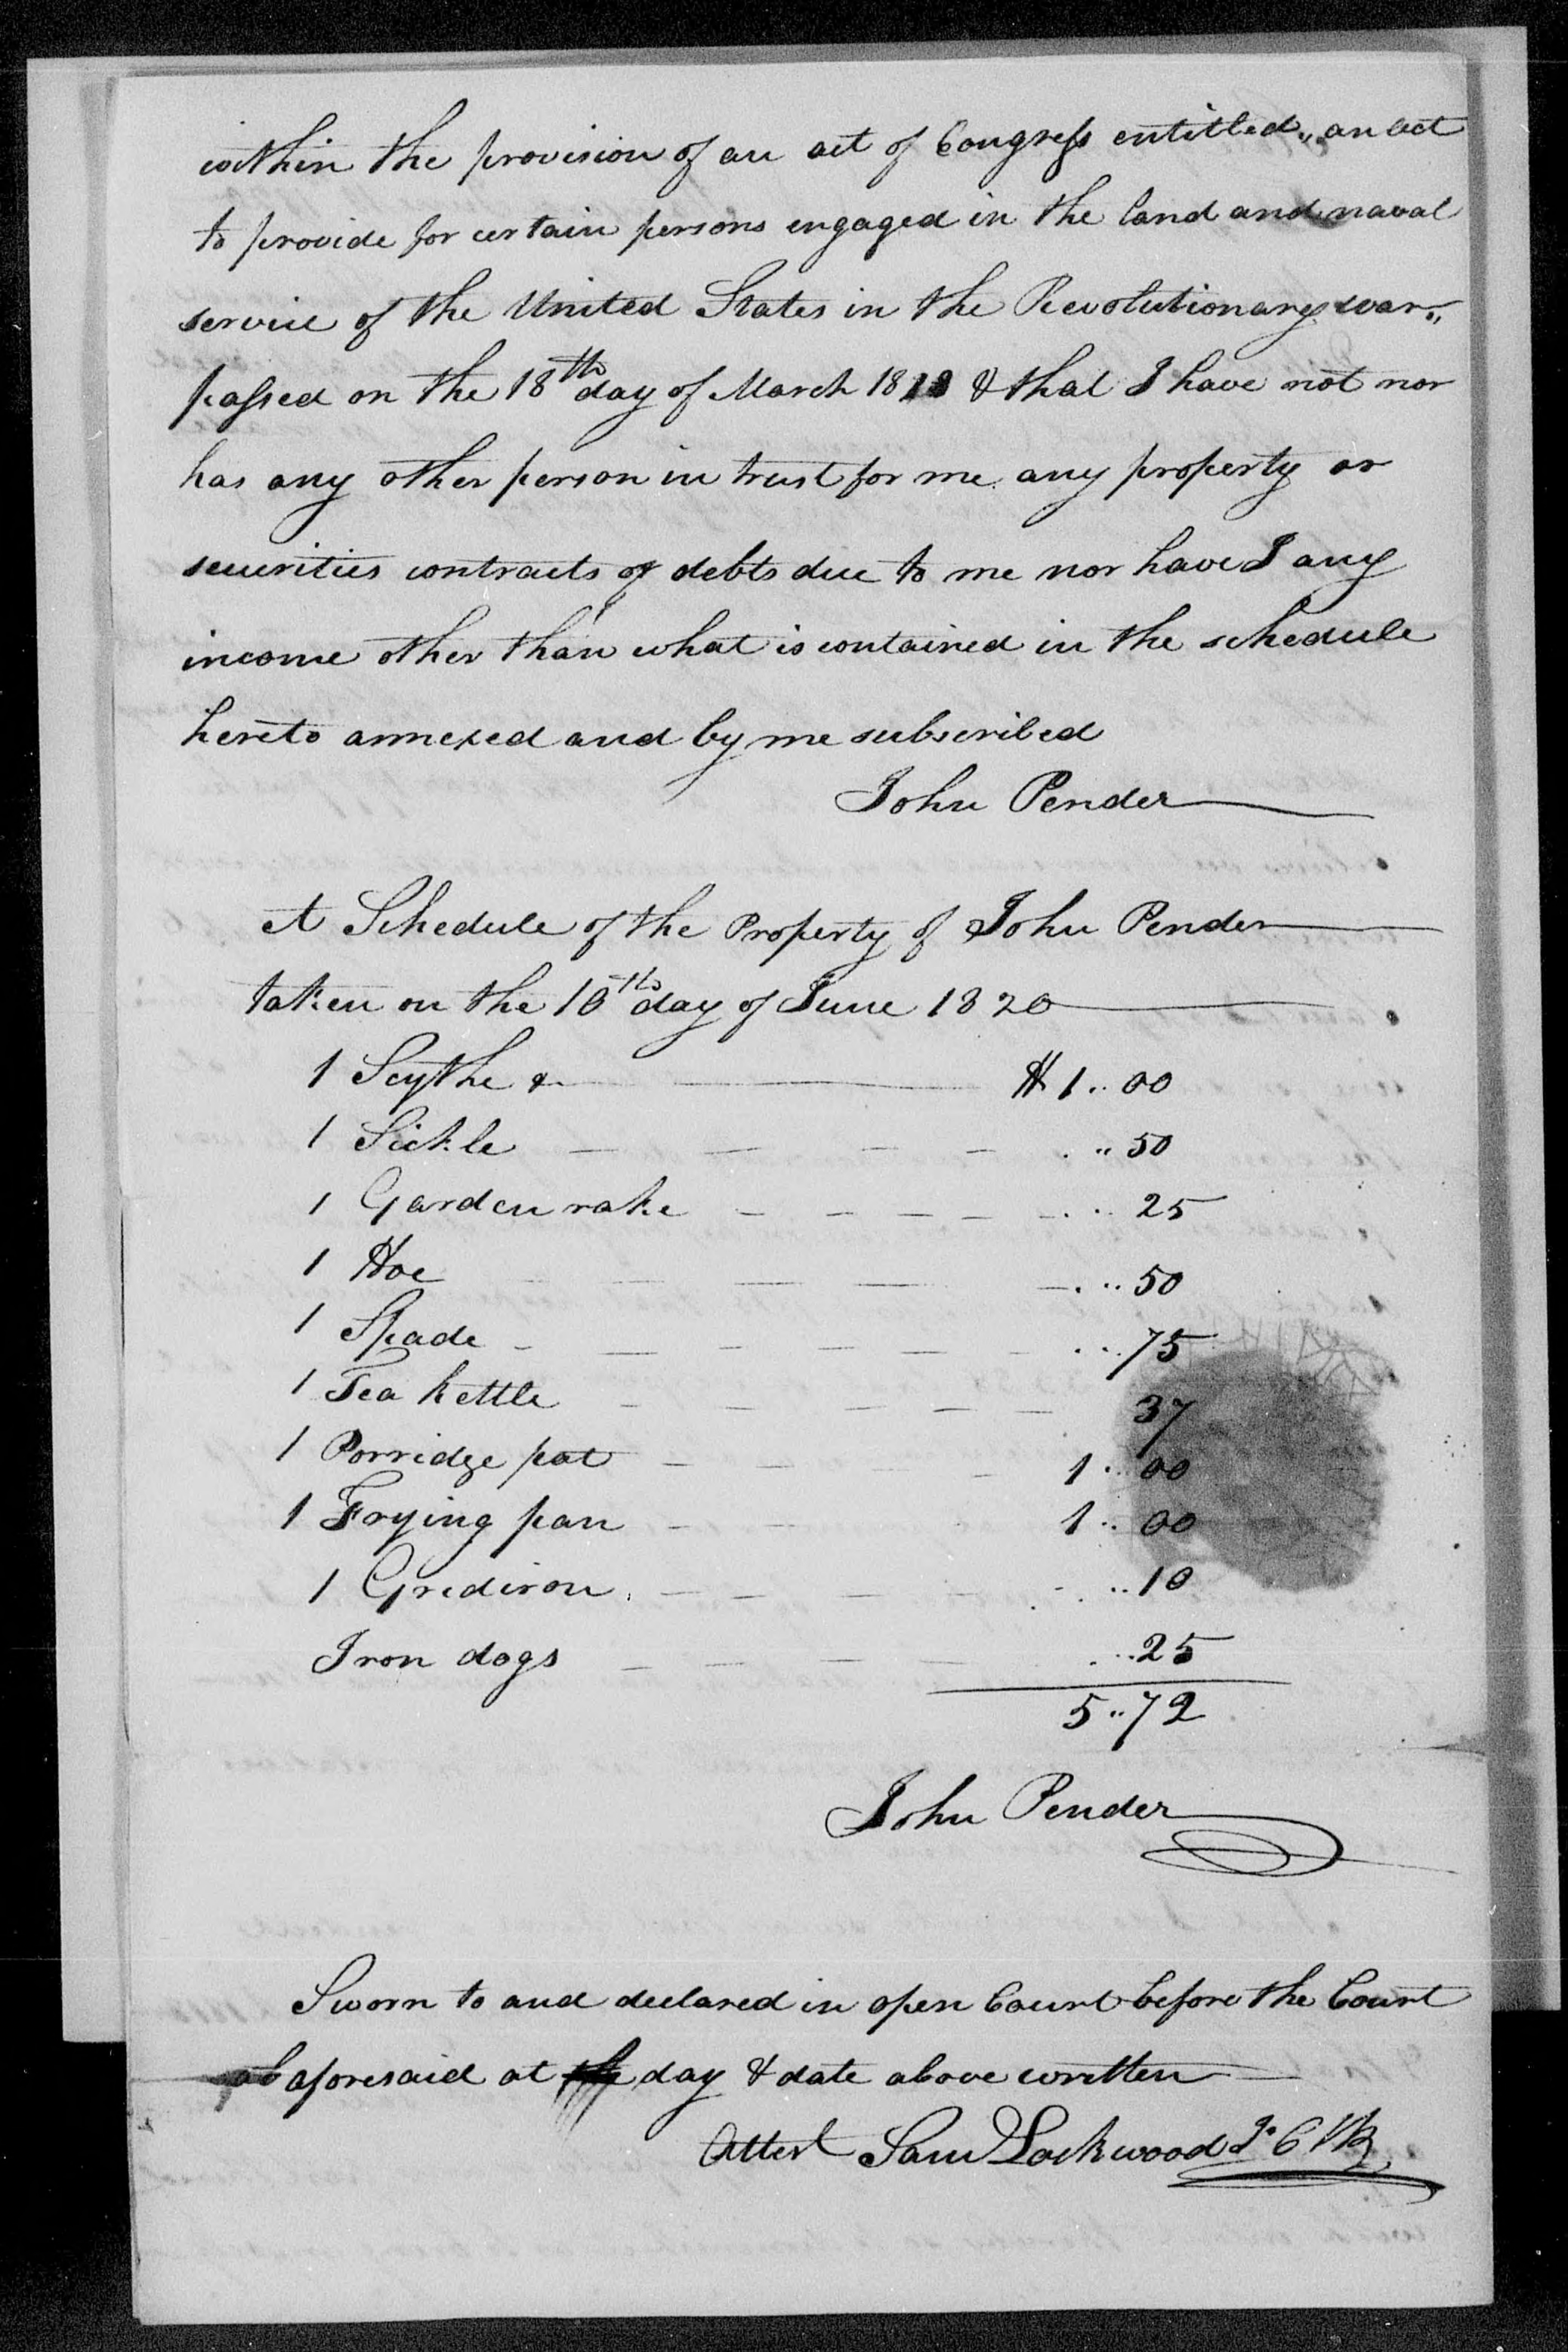within the provision of an act of Congress entitled "an act to provide for certain persons engaged in the land and naval service of the United States in the Revolutionary war" passed on the 18th day of March 1818 & that I have not nor has any other person in trust for me any property or securities contracts or debts due to me nor have I any income other than what is contained in the schedule hereto annexed and by me subscribed
[signed] John Pender

A Schedule of the property of John Pender taken on the 10th day of June 1820
1 Scythe &  -  $1.00
1 Sickle  -  -  -  - .50
1 Garden rake -  .25
1 Hoe -  -  -  -  - .50
1 Spade  -  -  -   .75
1 Tea Kettle  -  -  .37
1 Porridge pot -1.00
1 Frying pan -  -1.00
1 Gridiron  -  -  - .10
Iron dogs  -  -  -  .25
[total]  5.72
[signed] John Pender

Sworn to and declared in open Court before the Court aforesaid at the day & date above written
Attest [signed] Sam Lockwood Jr Clk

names: John Pender; Saml Lockwood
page: 7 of 13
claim: survivor's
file: S. 36211, for John Pender, New Hampshire